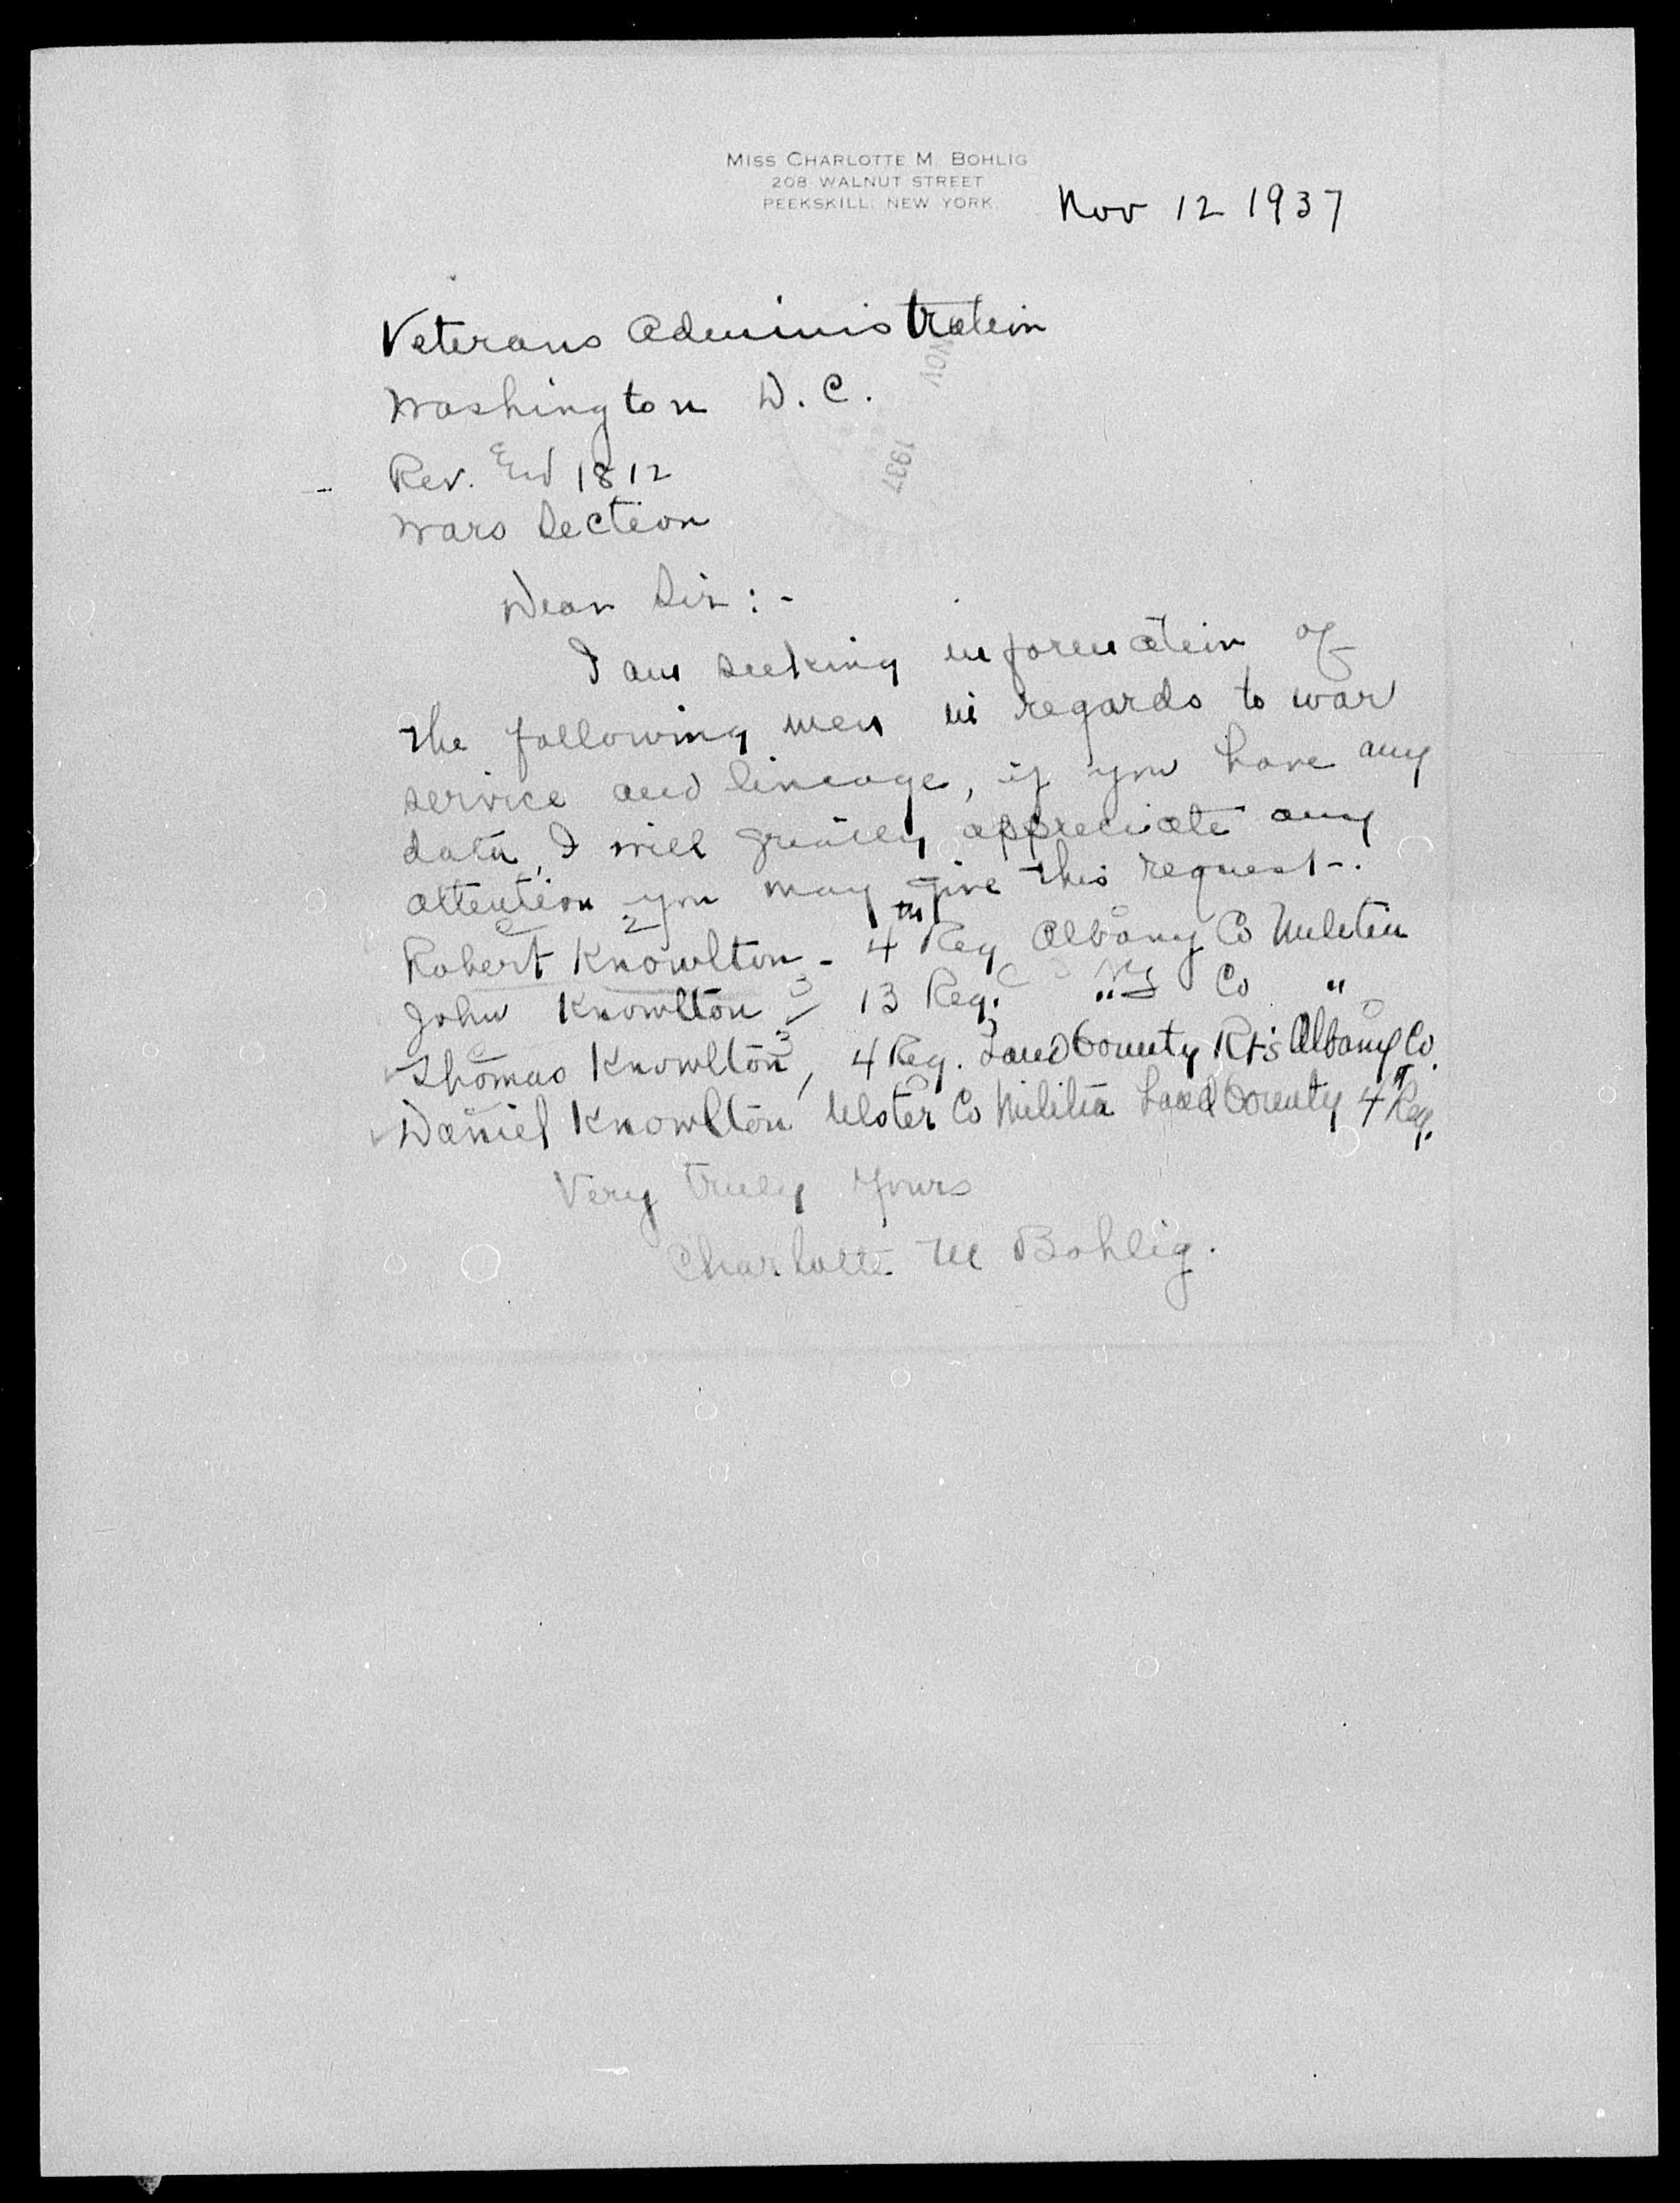Miss Charlotte M Bohlig
206 Walnut Street
Peekskill, New York 
November 12, 1937

Veterans Administration 
Washington D.C. 
Rev. War 1812
Wars Section 

Dear Sir:
I am seeking information of the following men in regards to war service and lineage if you  have any data I will greatly appreciate any attention you may give this request. 
Robert Knowlton - 4th Regiment Albany Co (illegible)
John Knowlton - 13 Regiment Albany Co (illegible)
Thomas Knowlton - 4 Regiment Laud County Albany Co.
Daniel Knowlton - Lester Co Militia Laud County 4th Regiment 

Very Truly Yours,
Charlotte M Bohlig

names: Thomas Knowlton; John Knowlton; Daniel Knowlton; Charlotte M Bohlig; Robert Knowlton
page: 19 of 25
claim: survivor's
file: S. 13668, for John Knowlton, New York